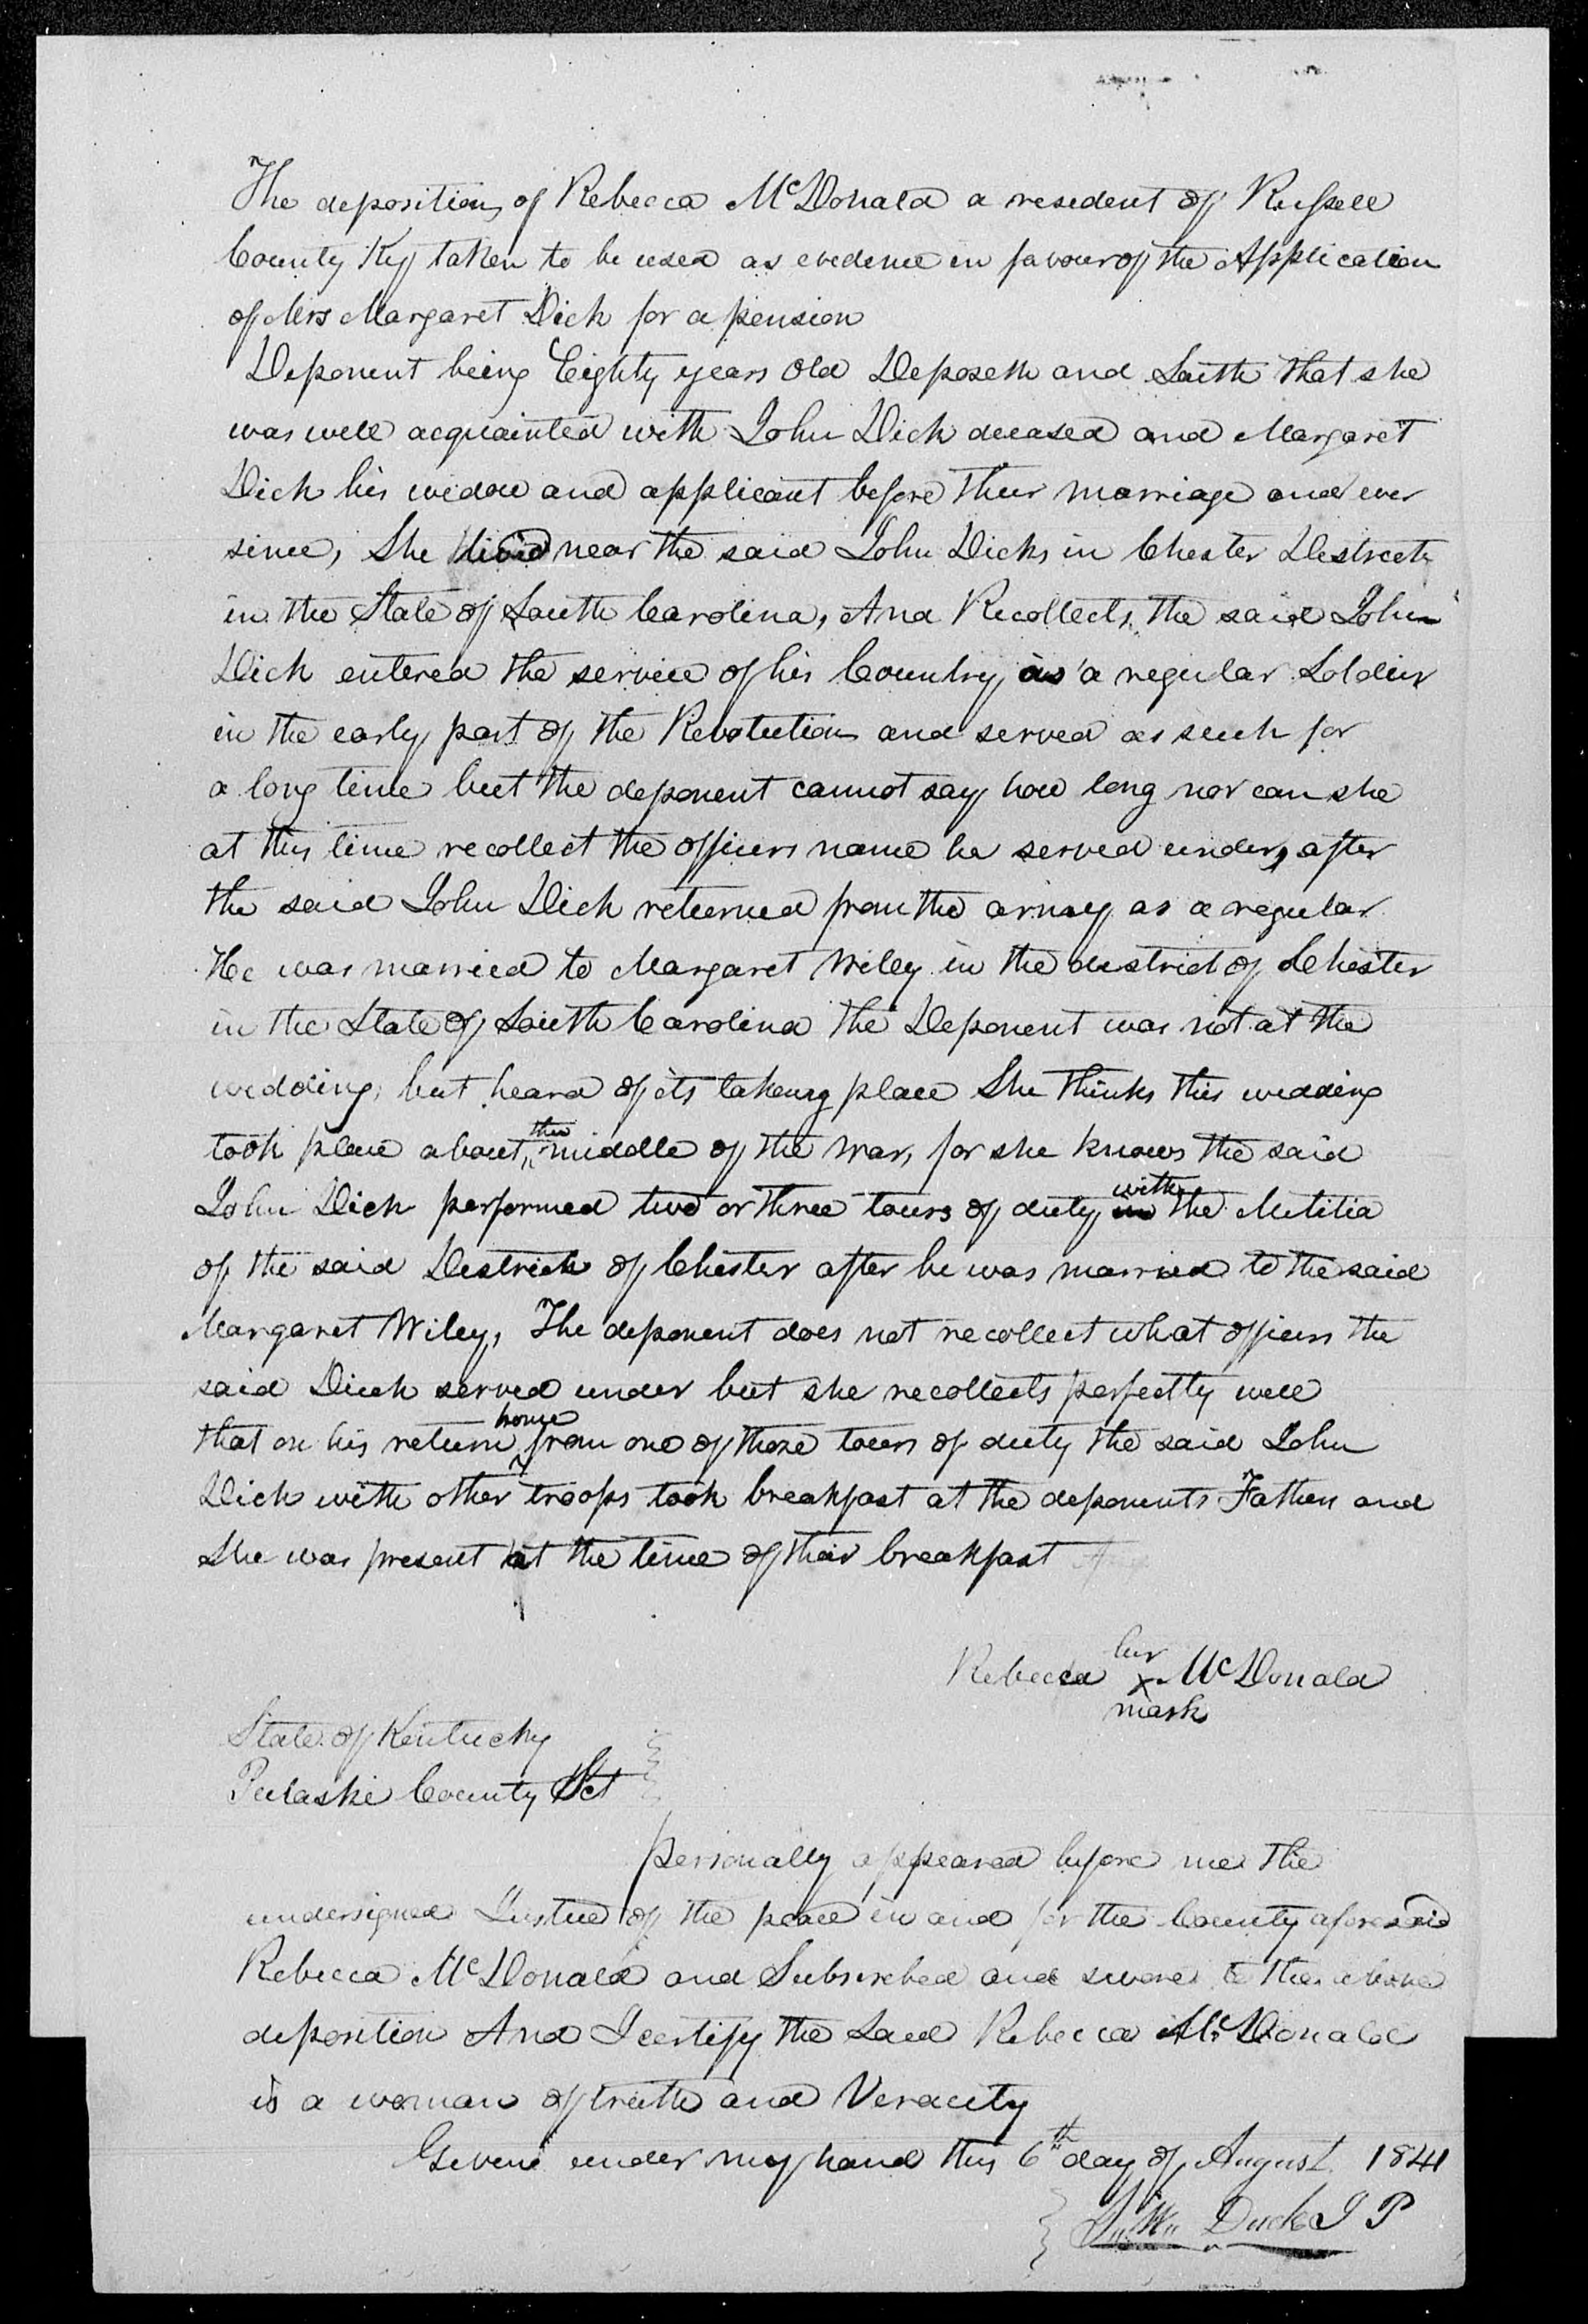The deposition of Rebecca McDonald a resident of Russell County Ky taken to be used as evidence in favour of the Application of Mrs Margaret Dick for a pension 
Deponent being Eighty years old deposeth and saith that she was well acquainted with John Dick deceased and Margaret Dick his widow and applicant before their marriage and ever since. She lived near the said John Dick in Chester District in the State of South Carolina, And Recollects the said John Dick entered the service of his Country as a regular Soldier in the early part of the Revolution and served as such for a long time but the deponent cannot say how long nor can she at this time recollect the officers name he served under after the said John Dick returned from the army as a regular. He was married to Margaret Wiley in the district of Chester in the State of South Carolina the Deponent was not at the wedding but heard of its taken place. She thinks this wedding took place about the middle of the war, for she knows the said John Dick performed two or three tours of duty with the Militia of the said District of Chester after he was married to the said Margaret Wiley, The deponent does not recollect what officers the said Dick served under but she recollects perfectly well that on his return home from one of these tour of duty the said John Dick with other troops took breakfast at the deponents Father and she was present at the time of their breakfast
 Rebecca her x mark McDonald 
State of Kentucky Pulaski County Set Personally appeared before me the undersigned Justice of the peace in and for the County aforesaid Rebecca McDonald and Subscribed and sworn to the above deposition and I certify the said Rebecca Donald is a woman of truth and veracity Given under my hand this 6th day of August 1841 L.W. Duck J P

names: Rebecca Mc Donald, John Dick, Margaret Dick, Dieck, John Dicks, Margaret Wiley, John Dick, John Dick, John Dick, Rebecca Mc Donald, John Dick, J W Dieck, Rebecca Mc Donald, Rebecca Mc Donald, Margaret Dick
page: 7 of 31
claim: widow's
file: W. 8668, John Dick, S C